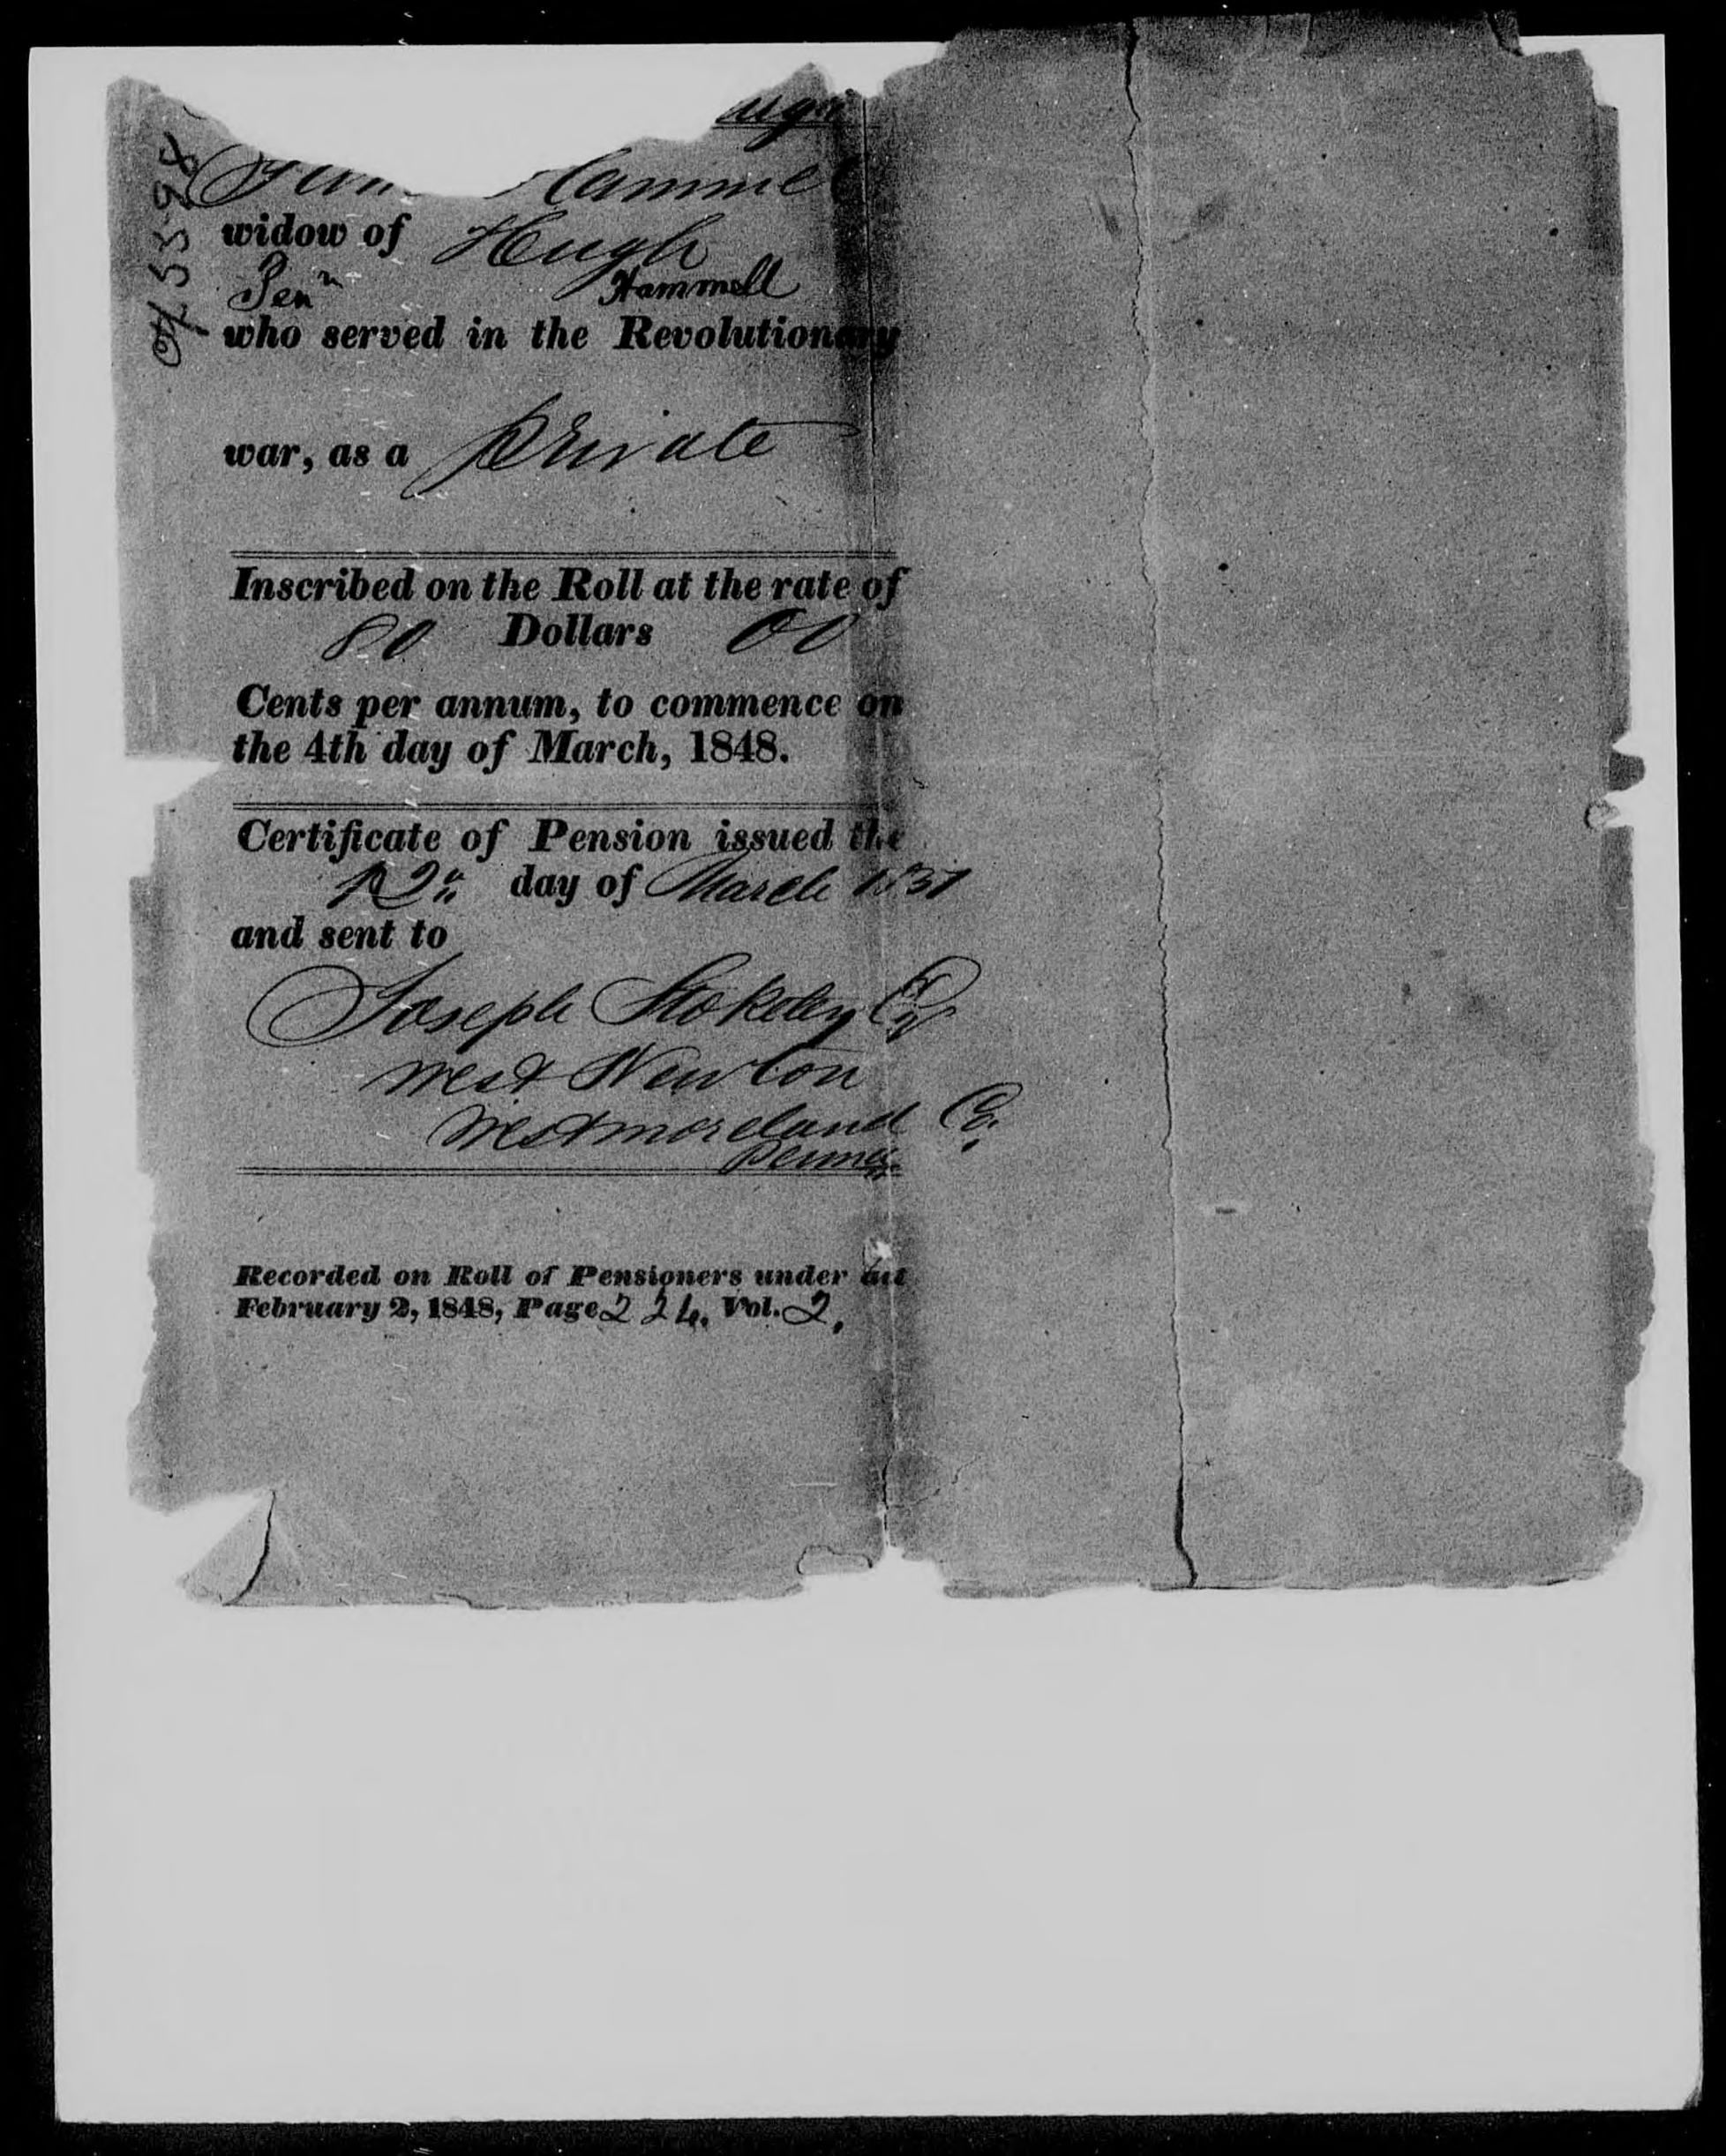(Document damaged and torn on all sides)

______________
widow of Hugh Hammel who served in the Revolutionary war, as a private.

Inscribed on the Roll at the rate of 80 dollars 00 cents on the 4th day of March,1848.

Certificate of Pension issued the ____ day of March 1837 and sent to Joseph Stokeley  ____ West Newton Westmoreland County Penna.

Recorded on Roll of Pensioners on February 2, 1848 Page 224 Vol. 2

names: Jane Hammel, Joseph Stokeley, Hugh Hammell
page: 3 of 92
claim: widow's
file: W 1173, Robert Hamill, Penn.